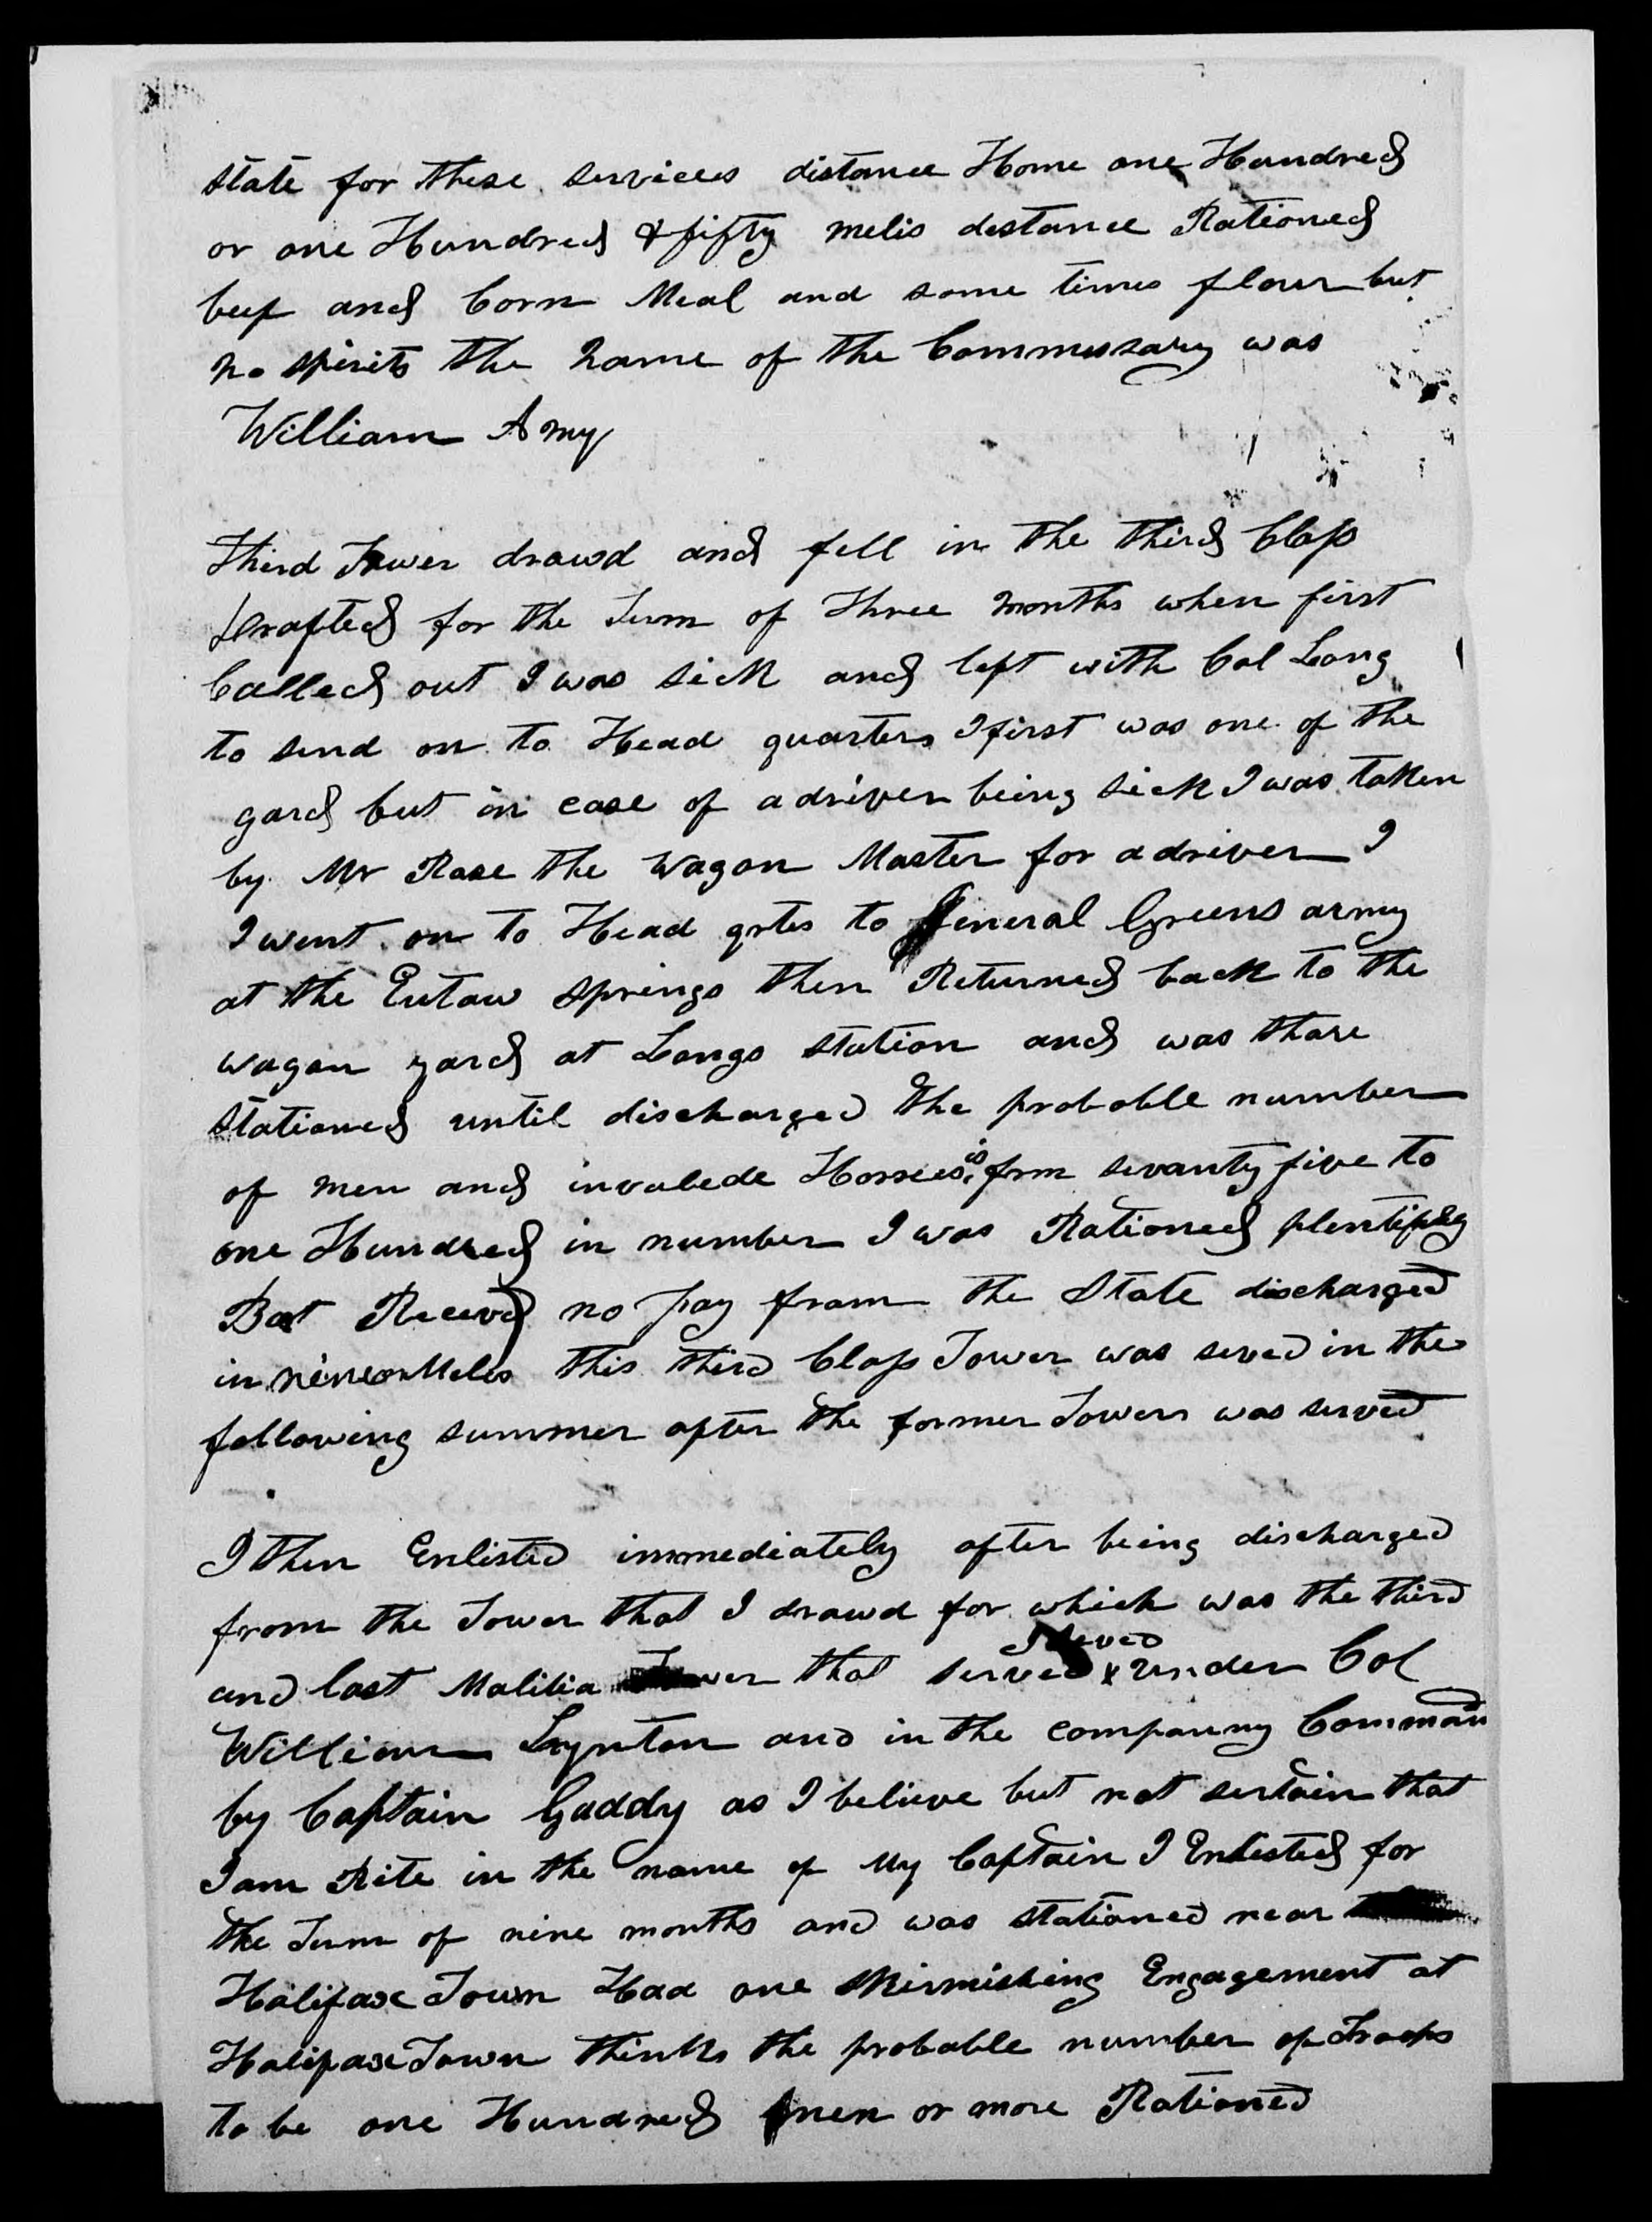State for these services distance Home one Hundred
or one Hundred & fifty miles distance Rationed
beef and Corn Meal and some times flour but
no spirits the name of the Commissary was
William Amy
.
Third Tower drawd and fell in the third Class
Drafted for the term of three months when first
Colled out I was sick and left with Col Long
to send on to head quarters I first was one of the
gard but in case of driver being sick I was taken
by Mr Rose the Wagon Master for driver
I went on to Head qrtrs to General Greens army
at the Eutaw Springs then Returned back to the
wagon yard at Longs station and was there
stationed until discharged the probable number
of men and invalide Horsies is from seventy five to
one Hundred in number I was Rationed plentifully
But Received no pay from the State discharged
in nine[illegible] this third Class Tower was served in the
following summer after the former Tower was served
I then enlisted immediately after being discharged
from the Tower that I drawd for which was the third
and last Malitia Tower that served under Col
William Lynton and in the company Command
by Captain Gaddy as I believe but not certain that
I am Rite in the name of my Captain I Enlisted for
the Tower of nine months and was stationed near
Halifasc [Halifax] Town Had one skirmishing Engagement at
Halifasc [Halifax] Town think the probable number of Troops
to be one hundred men or more rationed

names: William Lynton, Rose, Gaddy, Long, William Amy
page: 57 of 81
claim: survivor's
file: S. 1908, Richard Harper, N.C.